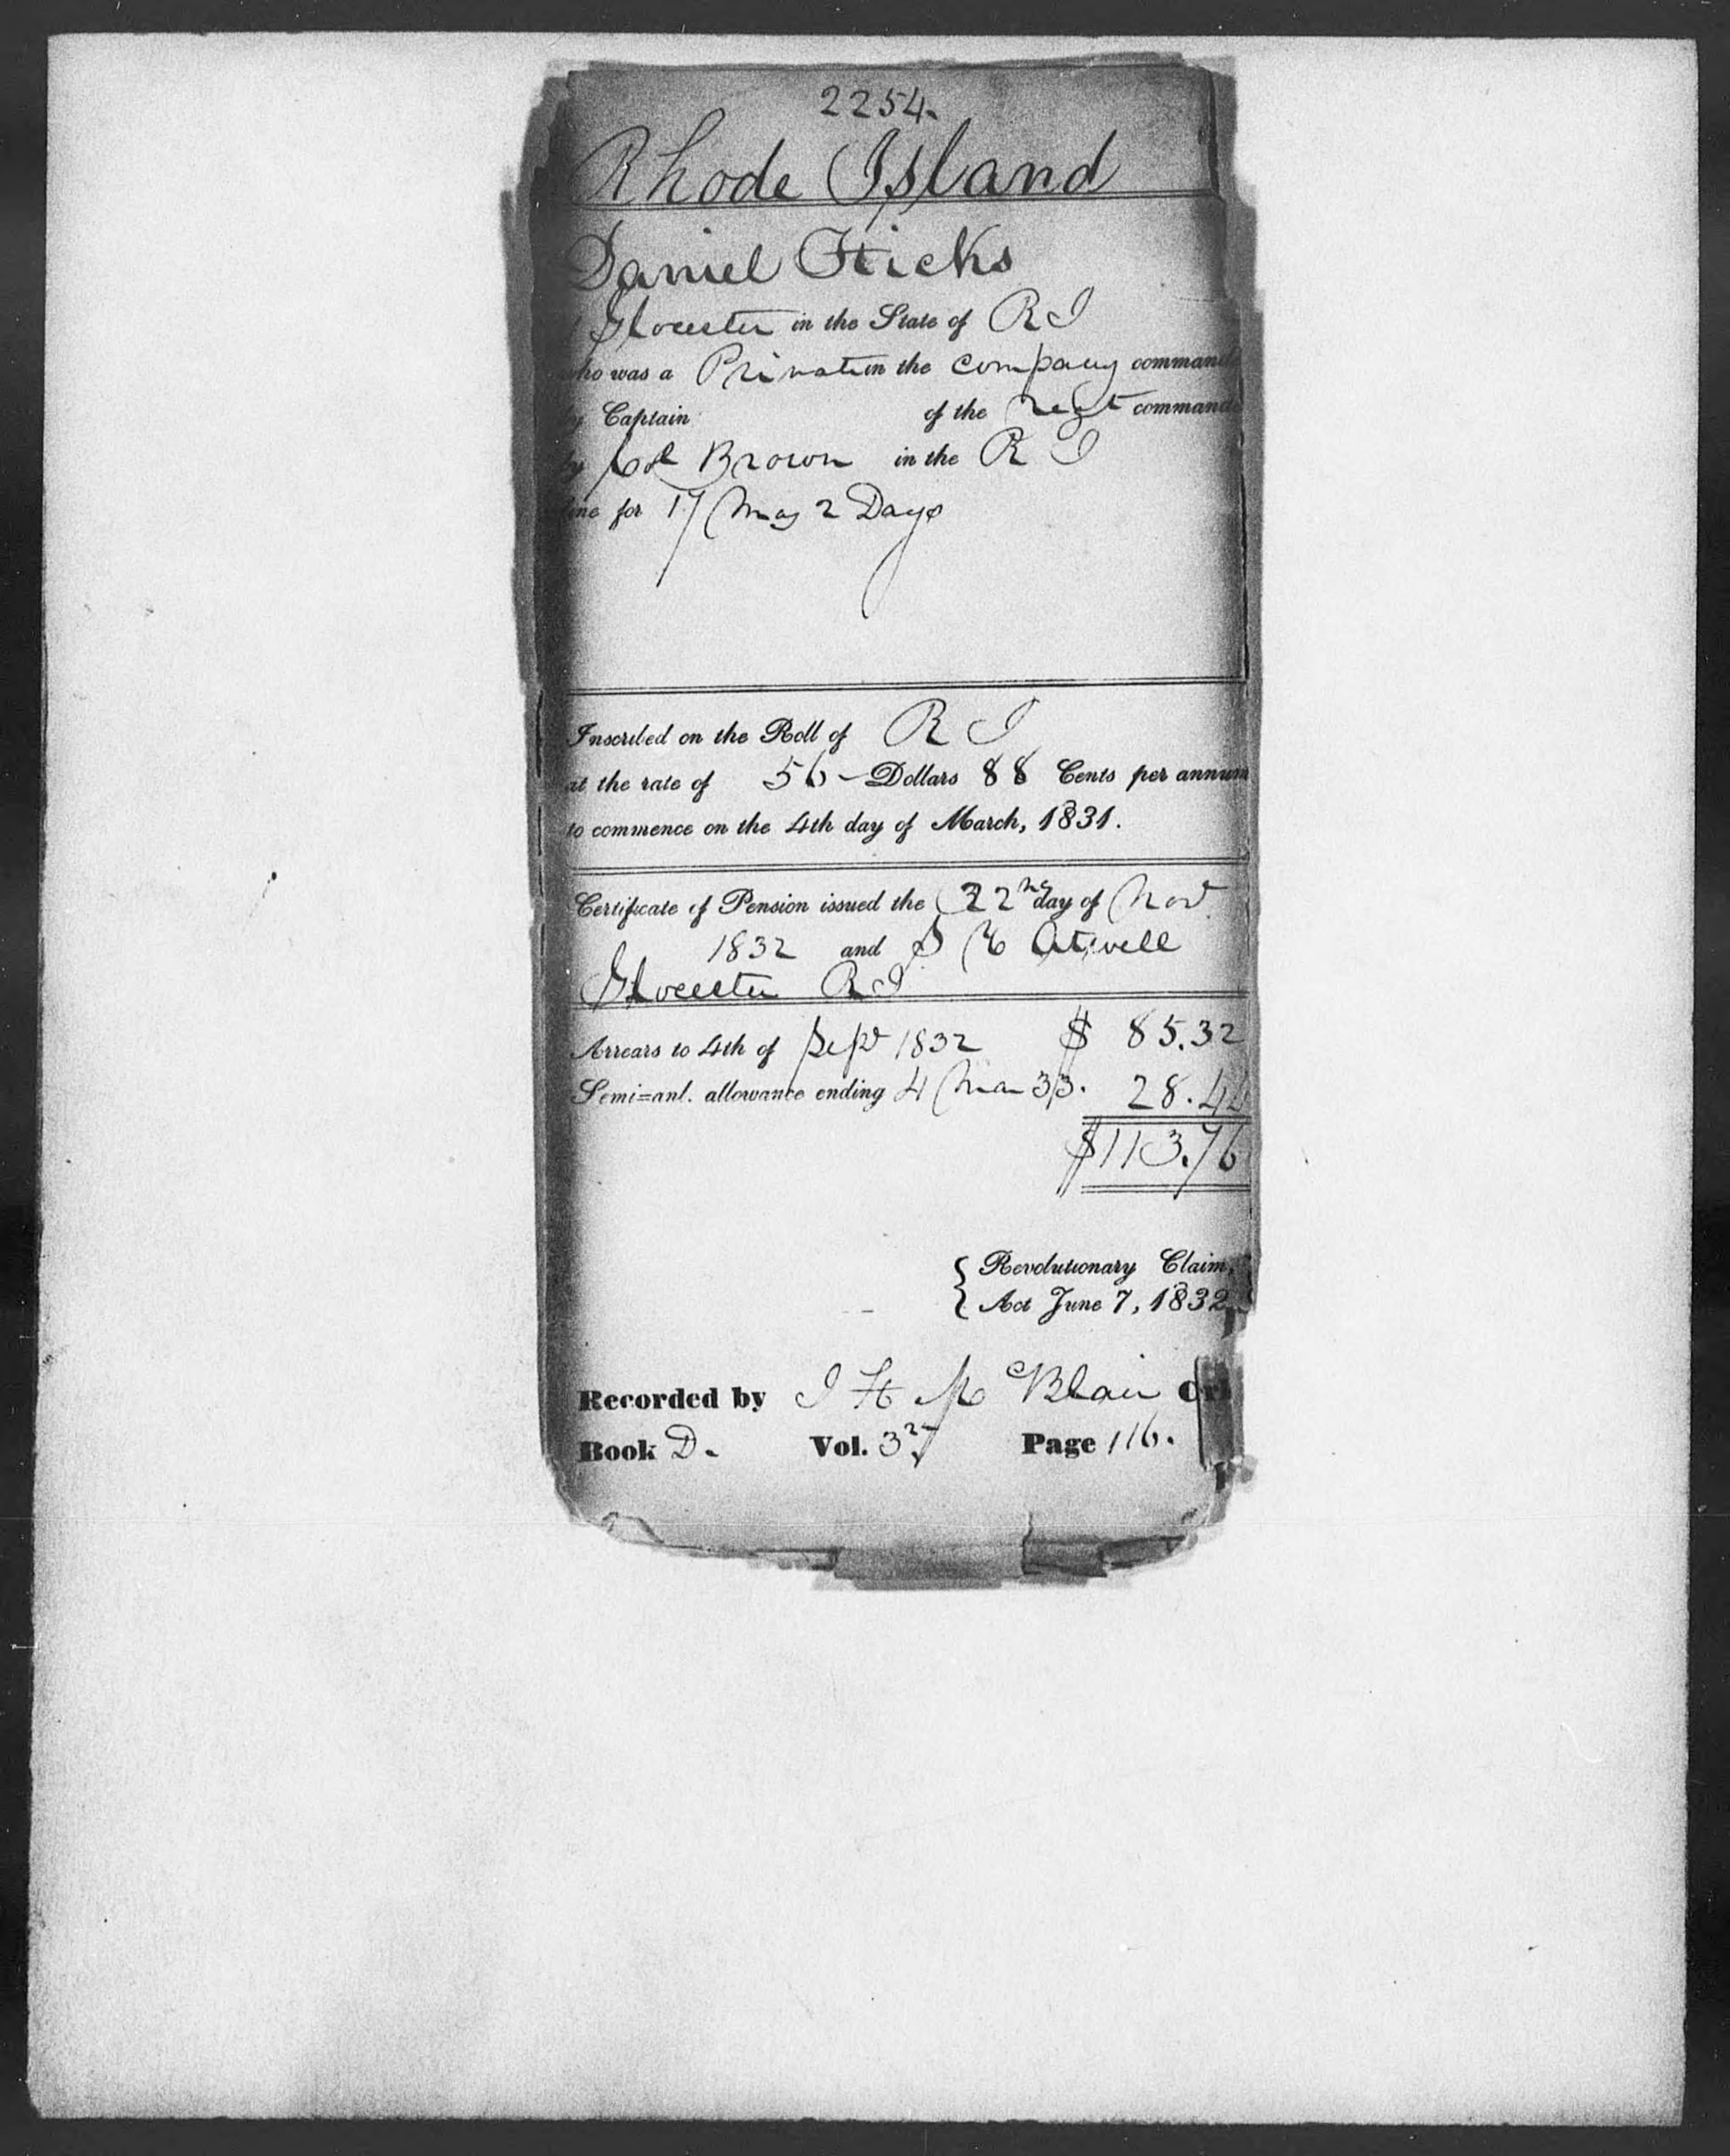2254
Rhode Island
Daniel Hicks
Glocester in the State of RI
who was a Private in the company commanded
by Captain
of the Regt commanded
Col Brown in the R I
line for 17 May 2 Days

Inscribed on the Roll of R I
at the rate of
56 Dollars 88 Cents per annum
to commence on the 4th day of March, 1831.

Certificate of Pension issued the 22d day of Nov
1832 and S E Atwell
Glocester RI

Arrears to 4th of Sept 1832
$85.32
Semi-anl. allowance ending 4 Mar 33 28.44
$113.76

{Revolutionary Claim
Act June 7, 1832}

Recorded by J. H. McBlair
Book D.
Vol. 3
Page 116.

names: J H Mc Blair, Daniel Hicks, Brown, S Y Atwell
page: 2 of 17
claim: survivor's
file: S. 21285, Daniel Hicks, R.I.